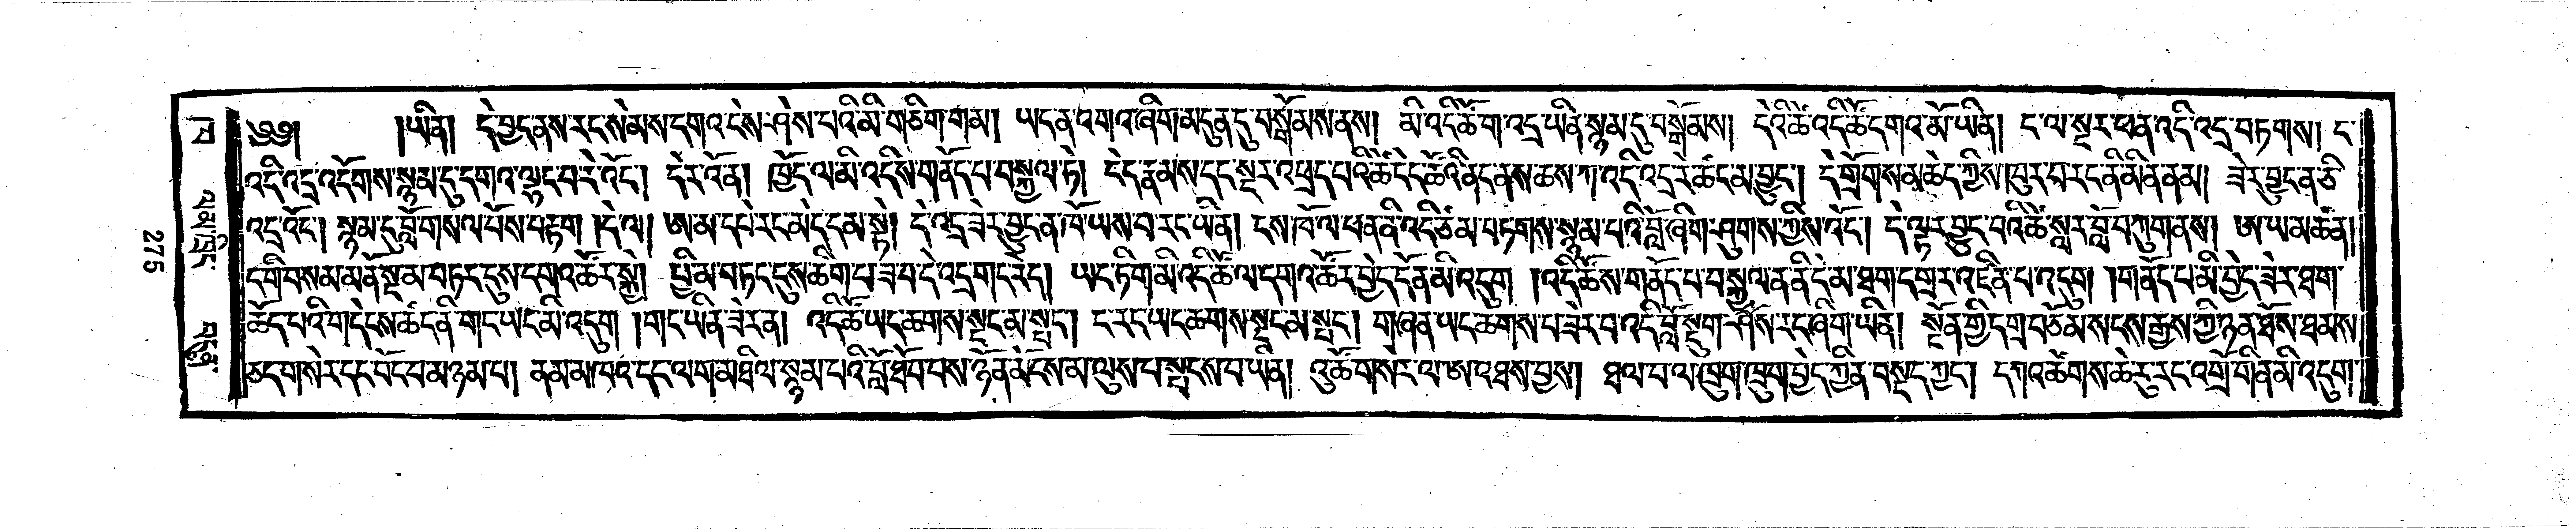༄༅། །ཡིན། དེ་བྱད་ནས་རང་སེམས་དགའ་ངེས་ཤེས་པའི་མི་གཅིག་གམ། ཡང་ན་འགའ་ཞིག་མདུན་དུ་བསྒོམས་ནས། མི་འདི་ཚོ་ག་འདྲ་ཡིན་སྙམ་དུ་བསྒོམས། དེའི་ཚེ་འདི་ཚོ་དགའ་མོ་ཡིན། ང་ལ་སྔར་ཕན་འདི་འདྲ་བཏགས། ང་
འདི་འདྲ་འདོགས་སྙམ་དུ་དགའ་ལྷང་བ་རེ་འོང་། དེར་འོ་ན། ཁྱོད་ལ་མི་འདིས་གནོད་པ་བསྐྱལ་ཏེ། ངེད་རྣམས་དང་སྔར་འཕྲད་པའི་ཚེ་ངེད་ཚོའི་ནང་ནས་ཆས་ཀ་འདི་འདྲ་རེ་ཚང་མ་བྱུང་། དེ་གྲོགས་མཆེད་ཀྱིས་ཁུར་བ་རང་ནི་མིན་ནམ། ཟེར་བྱུང་ན་ཅི་
འདྲ་འོང་། སྙམ་དུ་བློ་གསལ་པོས་བརྟག །དེ་ལ། ཨ་མ་དཔེ་རང་མེད་དམ་སྟེ། དེ་འདྲ་ཟེར་བྱུང་ན་ཁོ་ཡས་བ་རང་ཡིན། ངས་ཁོ་ལ་ཕན་ནི་འདི་ཙམ་བཏགས་སྙམ་པའི་བློ་ཞིག་ཤུགས་ཀྱིས་འོང་། དེ་ལྟར་བྱུང་བའི་ཚེ་སླར་བློ་བཀུག་ནས། ཨ་ཡ་མཚན།
ད་གི་བསམ་མནོ་སྔ་མ་བཏར་དུས་དགའ་ཚོར་སྐྱེ། ཕྱི་མ་བཏང་དུས་ཚིག་པ་ཟ་བ་དེ་འདྲ་གང་རེད། ཡང་ཏིག་མི་འདི་ཚོ་ལ་དགའ་ཚོར་བྱེད་དོན་མི་འདུག །འདི་ཚོས་གནོད་པ་བསྐྱལ་ན་ནི་དེ་མ་ཐག་དགྲར་འཛིན་པ་འདུག །གནོད་པ་མི་བྱེད་ཟེར་ཐག་
ཆོད་པའི་གདེངས་ཚད་ནི་གང་ཡང་མི་འདུག །གང་ཡིན་ཟེར་ན། འདི་ཚོ་ཡད་ཆགས་སྡང་མ་སྤང་། ང་རང་ཡང་ཆགས་སྡང་མ་སྤང་། གཞན་ཡང་ཆགས་པ་ཟེར་བ་འདི་བློ་སྡུག་ཤོས་རང་ཞིག་ཡིན། སྔོན་གྱི་དགྲ་བཅོམ་སངས་རྒྱས་ཀྱི་ཉན་ཐོས་ཐམས་
ཅད་གསེར་དང་བོང་བ་མཉམ་པ། ནམ་མཁའ་དང་ལག་མཐིལ་སྙམ་པའི་བློ་ཐོབ་པས་ཉོན་མོངས་མ་ལུས་པ་སྤངས་པ་ཡིན། འུ་ཚོ་གསེར་ལ་ཨ་འཐས་བྱས། ཐལ་བ་ལ་ཁྲུག་ཁྲུག་བྱེད་ཀྱིན་བསྡད་ཀྱང་། དཀའ་ཚེགས་ཆེ་རུ་རང་འགྲོ་གིན་མི་འདུག་